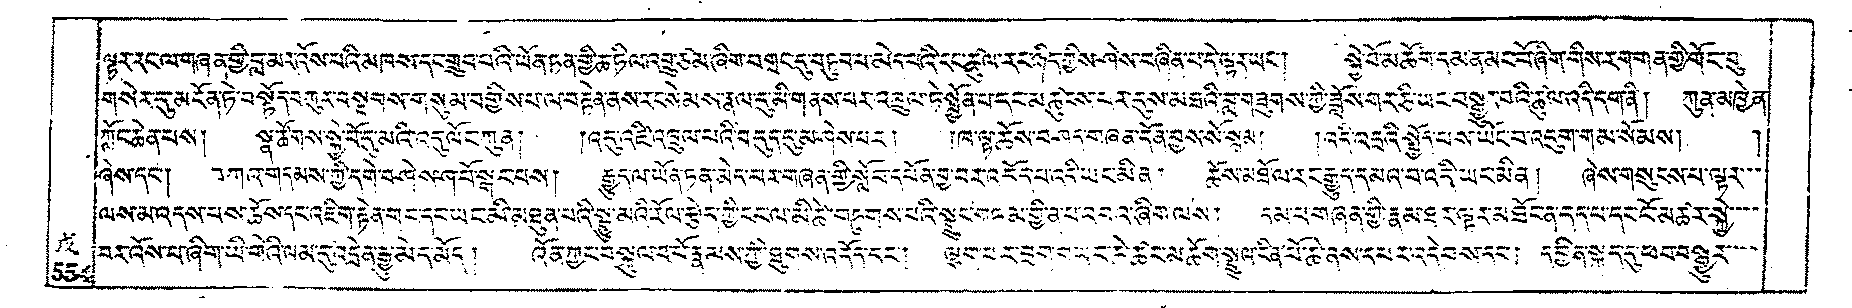ལྟར་རང་ལ་གཞན་གྱི་བླ་མར་འོས་པའི་མཁས་དང་གྲུབ་པའི་ཡོན་ཏན་གྱི་ཆ་ཏིལ་འབྲུ་ཙམ་ཞིག་བགྲང་དུ་བཏུབ་པ་མེད་པའི་ངང་ཚུལ་རང་ཉིད་ཀྱིས་ཤེས་བཞིན་པ་དེ་ལྟར་ཡང་། སྐྱེ་བོ་མཆོག་དམན་མང་པོ་ཞིག་གིས་རག་གན་གྱི་གོང་བུ་
གསེར་དུ་མངོན་ཏེ་བསྟོད་བཀུར་བསྔགས་གསུམ་བགྱིས་པ་ལ་བརྟེན་ནས་རང་སེམས་རྣལ་དུ་མི་གནས་པར་འཁྲུལ་ཏེ་སྨྱོན་པ་དང་མཚུངས་པར་དུས་མཐའི་བླ་གཟུགས་ཀྱི་ཟློས་གར་ཅི་ཡང་བསྒྱུར་བའི་ཚུལ་འདི་དག་ནི། ཀུན་མཁྱེན་
ཀློང་ཆེན་པས། སྣ་ཚོགས་སྐྱེ་བོ་དུ་མའི་འདུ་ལོང་ཀུན། །འདུ་འཛིན་འཁྲུལ་པའི་བདུད་དུ་མ་ཤེས་པར། །ཁ་ལྟ་ཆོས་བཤད་གཞན་དོན་བྱས་སོ་སྙམ། །འདི་འདྲའི་སྤྱོད་པས་ཡོང་བ་འདུག་གམ་སོམས། །
ཞེས་དང་། བཀའ་གདམས་ཀྱི་དགེ་བཤེས་ཤ་པོ་སྒང་པས། རྒྱུད་ལ་ཡོན་ཏན་མེད་པར་གཞན་གྱི་སློབ་དཔོན་བྱ་བར་འདོད་པ་འདི་ཡང་མིན། །ཆོས་མཐོ་ལ་རང་རྒྱུད་དམའ་བ་འདི་ཡང་མིན། ཞེས་གསུངས་པ་ལྟར་
ལས་མ་འདས་པས་ཆོས་དང་འཇིག་རྟེན་གང་དང་ཡང་མི་མཐུན་པའི་སྒྱུ་མའི་རོལ་རྩེད་ཀྱི་ངང་ལ་མི་ཚེ་གཏུགས་པའི་སྒྲུང་གཏམ་གྱི་ན་པ་འབའ་ཞིག་ལས། དམ་པ་གཞན་གྱི་རྣམ་ཐར་ལྟར་མཐོང་ན་དད་པ་དང་ངོ་མཚར་སྐྱེ་
བར་འོས་པ་ཞིག་ཡི་གེའི་ལམ་དུ་འདྲེན་རྒྱུ་མེད་མོད། འོན་ཀྱང་བསྐུལ་བ་པོ་རྣམས་ཀྱི་ཐུགས་འདོད་དང་། ལྷག་པར་བྲག་གཡབ་ཆེ་ཚང་མཆོག་སྤྲུལ་རིན་པོ་ཆེ་ནས་དཔར་འདེབས་དང་། དབྱིན་སྐད་དུ་ཕབ་བསྒྱུར་